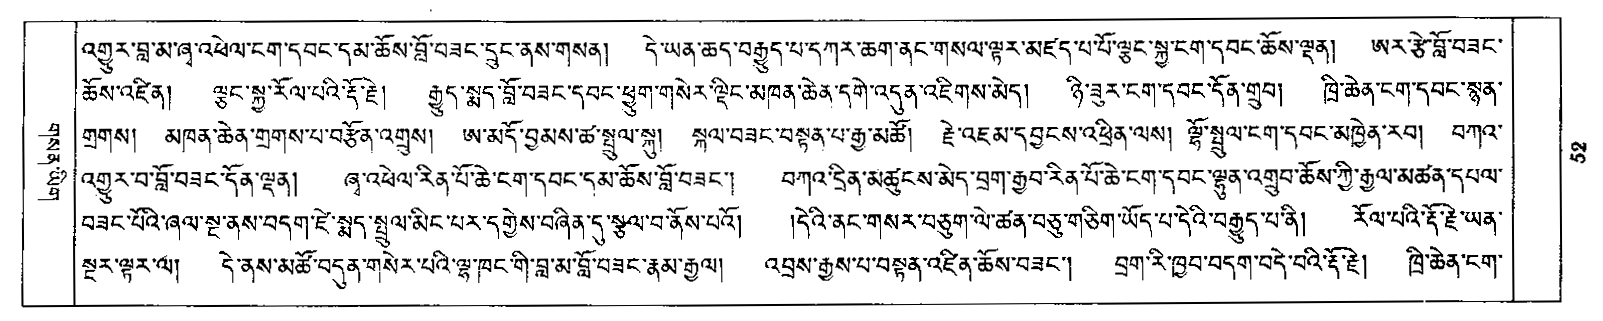འགྱུར་བླ་མ་ཞྭ་འཕེལ་ངག་དབང་དམ་ཆོས་བློ་བཟང་དྲུང་ནས་གསན། དེ་ཡན་ཆད་བརྒྱུད་པ་དཀར་ཆག་ནང་གསལ་ལྟར་མཛད་པ་པོ་ལྕང་སྐྱ་ངག་དབང་ཆོས་ལྡན། ཨར་རྩེ་བློ་བཟང་
ཆོས་འཛིན། ལྕང་སྐྱ་རོལ་པའི་རྡོ་རྗེ། རྒྱུད་སྨད་བློ་བཟང་དབང་ཕྱུག་གསེར་ལྡིང་མཁན་ཆེན་དགེ་འདུན་འཇིགས་མེད། ཉི་ཟུར་ངག་དབང་དོན་གྲུབ། ཁྲི་ཆེན་ངག་དབང་སྙན་
གྲགས། མཁན་ཆེན་གྲགས་པ་བརྩོན་འགྲུས། ཨ་མདོ་བྱམས་ཚ་སྤྲུལ་སྐུ། སྐལ་བཟང་བསྟན་པ་རྒྱ་མཚོ། རྗེ་འཇམ་དབྱངས་འཕྲིན་ལས། ལྷོ་སྤྲུལ་ངག་དབང་མཁྱེན་རབ། བཀའ་
འགྱུར་བ་བློ་བཟང་དོན་ལྡན། ཞྭ་འཕེལ་རིན་པོ་ཆེ་ངག་དབང་དམ་ཆོས་བློ་བཟང་། བཀའ་དྲིན་མཚུངས་མེད་བྲག་རྒྱབ་རིན་པོ་ཆེ་ངག་དབང་ལྷུན་འགྲུབ་ཆོས་ཀྱི་རྒྱལ་མཚན་དཔལ་
བཟང་པོའི་ཞལ་སྔ་ནས་བདག་རྗེ་སྨད་སྤྲུལ་མིང་པར་དགྱེས་བཞིན་དུ་སྩལ་བ་ནོས་པའོ། །དེའི་ནང་གསར་བཅུག་ལེ་ཚན་བཅུ་གཅིག་ཡོད་པ་དེའི་བརྒྱུད་པ་ནི། རོལ་པའི་རྡོ་རྗེ་ཡན་
སྔར་ལྟར་ལ། དེ་ནས་མཚོ་བདུན་གསེར་པའི་ལྷ་ཁང་གི་བླ་མ་བློ་བཟང་རྣམ་རྒྱལ། འབྲས་རྒྱས་པ་བསྟན་འཛིན་ཆོས་བཟང་། བྲག་རི་ཁྱབ་བདག་བདེ་བའི་རྡོ་རྗེ། ཁྲི་ཆེན་ངག་